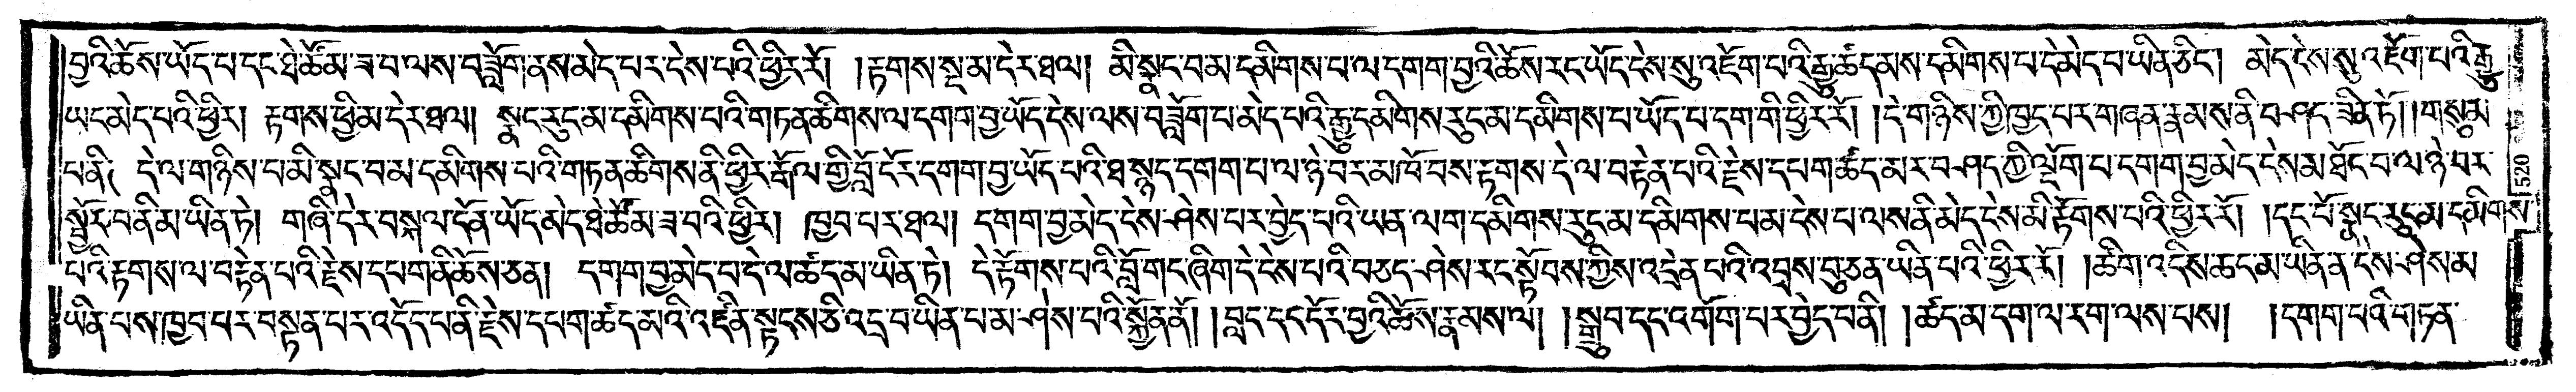བྱའི་ཆོས་ཡོད་པ་དང་ཐེ་ཚོམ་ཟ་བ་ལས་བཟློག་ནས་མེད་པར་ངེས་པའི་ཕྱིར་རོ། །རྟགས་སྔ་མ་དེར་ཐལ། མི་སྣང་བ་མ་དམིགས་པ་ལ་དགག་བྱའི་ཆོས་རང་ཡོད་ངེས་སུ་འཇོག་པའི་རྒྱུ་ཚད་མས་དམིགས་པ་དེ་མེད་པ་ཡིན་ཅིང་། མེད་ངེས་སུ་འཇོག་པའི་རྒྱུ་
ཡང་མེད་པའི་ཕྱིར། རྟགས་ཕྱི་མ་དེར་ཐལ། སྣང་རུང་མ་དམིགས་པའི་གཏན་ཚིགས་ལ་དགག་བྱ་ཡོད་དེས་ལས་བཟློག་པ་མེད་པའི་རྒྱུ་དམིགས་རུང་མ་དམིགས་པ་ཡོད་པ་དག་གི་ཕྱིར་རོ། །དེ་གཉིས་ཀྱི་ཁྱད་པར་གཞན་རྣམས་ནི་བཤད་ཟིན་ཏོ། །གསུམ་
པ་ནི། དེ་ལ་གཉིས་པ་མི་སྣང་བ་མ་དམིགས་པའི་གཏན་ཚིགས་ནི་ཕྱིར་རྒོལ་གྱི་བློ་ངོར་དགག་བྱ་ཡོད་པའི་ཐ་སྙད་དགག་པ་ལ་ཉེ་བར་མཁོ་བས་རྟགས་དེ་ལ་བརྟེན་པའི་རྗེས་དཔག་ཚད་མར་བཤད་ཀྱི་ལྡོག་པ་དགག་བྱ་མེད་དེས་མཐོང་བ་ལ་ཉེ་བར་
སྦྱོར་བ་ནི་མ་ཡིན་ཏེ། གཞི་དེར་བསྐལ་དོན་ཡོད་མེད་ཐེ་ཚོམ་ཟ་བའི་ཕྱིར། ཁྱབ་པར་ཐལ། དགག་བྱ་མེད་ངེས་ཤེས་པར་བྱེད་པའི་ཡན་ལག་དམིགས་རུང་མ་དམིགས་པ་མ་ངེས་པ་ལས་ནི་མེད་ངེས་མི་རྟོགས་པའི་ཕྱིར་རོ། །དང་པོ་སྣང་རུང་མ་དམིགས་
པའི་རྟགས་ལ་བརྟེན་པའི་རྗེས་དཔག་ནི་ཆོས་ཅན། དགག་བྱ་མེད་པ་དེ་ལ་ཚད་མ་ཡིན་ཏེ། དེ་རྟོགས་པའི་བློ་གང་ཞིག་དེ་ངེས་པའི་བཅད་ཤེས་རང་སྟོབས་ཀྱིས་འདྲེན་པའི་འབྲས་བུ་ཅན་ཡིན་པའི་ཕྱིར་རོ། །ཚིག་འདིས་ཆད་མ་ཡིན་ན་ངེས་ཤེས་མ་
ཡིན་པས་ཁྱབ་པར་བསྟན་པར་འདོད་པ་ནི་རྗེས་དཔག་ཚད་མའི་འཛིན་སྟངས་ཅི་འདྲ་བ་ཡིན་པ་མ་ཤེས་པའི་སྐྱོན་ནོ། །བླང་དང་དོར་བྱའི་ཆོས་རྣམས་ལ། །སྒྲུབ་དང་འགོག་པར་བྱེད་པ་ནི། །ཚད་མ་དག་ལ་རག་ལས་པས། །དགག་པའི་གཏན་